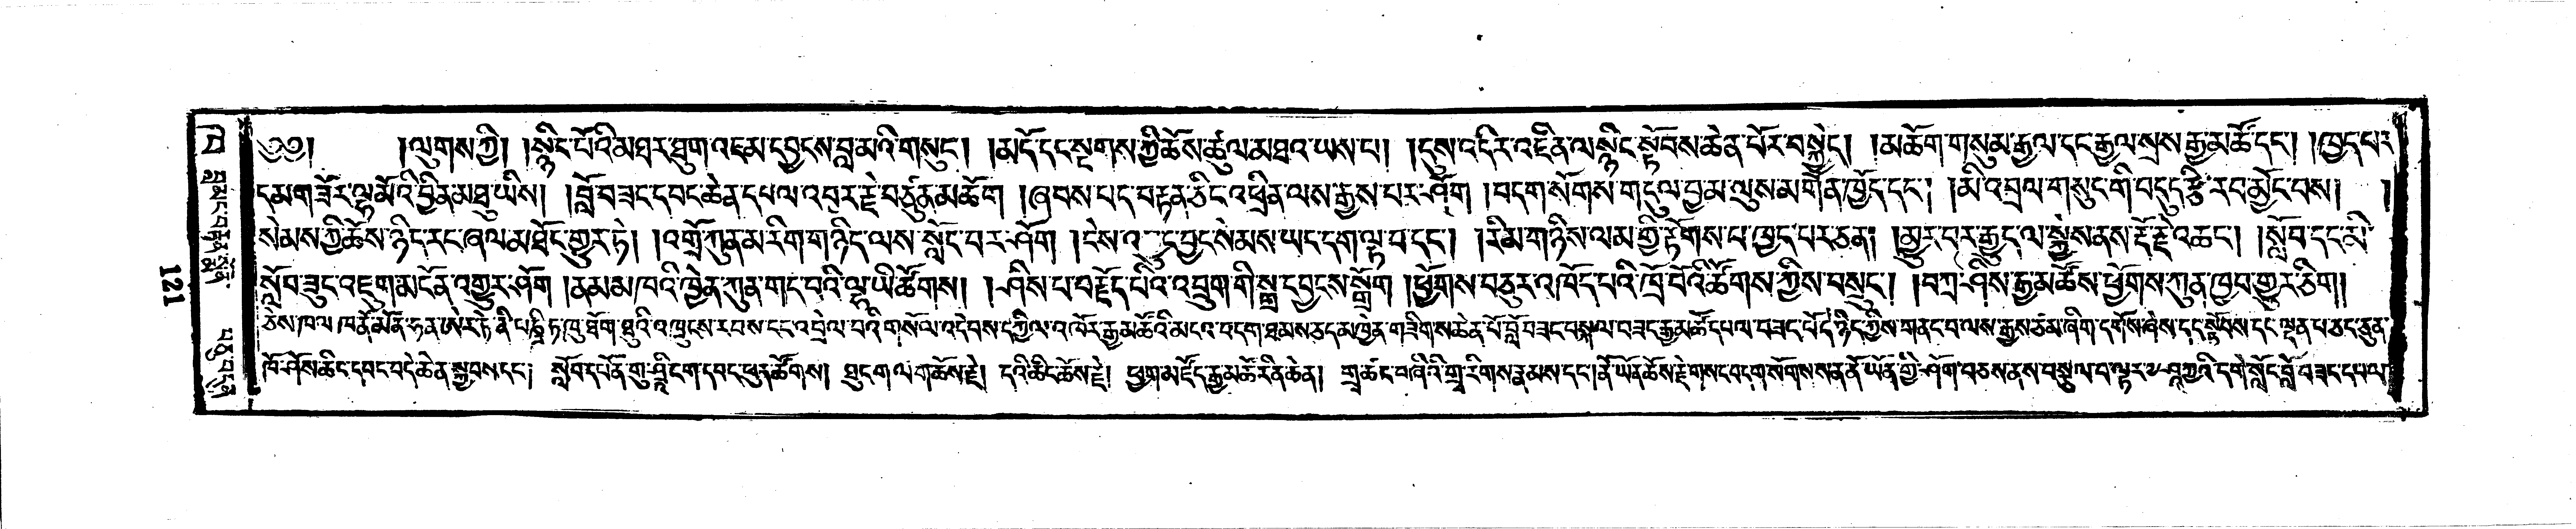༄༅། །ལུགས་ཀྱི། །སྙིང་པོའི་མཐར་ཐུག་འཇམ་དབྱངས་བླ་མའི་གསུང་། །མདོ་དང་སྔགས་ཀྱི་ཆོས་ཚུལ་མཐའ་ཡས་པ། །དུས་འདིར་འཛིན་ལ་སྙིང་སྟོབས་ཆེན་པོར་བསྐྱེད། །མཆོག་གསུམ་རྒྱལ་དང་རྒྱལ་སྲས་རྒྱ་མཚོ་དང་། །ཁྱད་པར་
དམ་གཟོར་ལྷ་མོའི་བྱིན་མཐུ་ཡིས། །བློ་བཟང་དབང་ཆེན་དཔལ་འབུར་རྗེ་བཙུན་མཆོག །ཞབས་པད་བརྟན་ཅིང་འཕྲིན་ལས་རྒྱས་པར་ཤོག །བདག་སོགས་གདུལ་བྱ་མ་ལུས་མགོན་ཁྱོད་དང་། །མི་འབྲལ་གསུང་གི་བདུད་རྩི་རབ་མྱོང་པས། །
སེམས་ཀྱི་ཆོས་ཉིད་རང་ཞལ་མཐོང་གྱུར་ཏེ། །འགྲོ་ཀུན་མ་རིག་གཉིད་ལས་སློང་བར་ཤོག །ངེས་འབྱུང་བྱང་སེམས་ཡང་དག་ལྟ་བ་དང་། །རིམ་གཉིས་ལམ་གྱི་རྟོགས་པ་ཁྱད་པར་ཅན། །མྱུར་བར་རྒྱུད་ལ་སྐྱེས་ནས་རྡོ་རྗེ་འཆང་། །སློབ་དང་མི་
སློབ་ཟུང་འཇུག་མངོན་འགྱུར་ཤོག །ནམ་མཁའི་ཁྱེན་ཀུན་གང་བའི་ལྷ་ཡི་ཚོགས། །ཤིས་པ་བརྗོད་པའི་འབྲུག་གི་སྒྲ་དབྱངས་སྒྲོག །ཕྱོགས་བཅུར་འཁོད་པའི་ཁྲོ་བོའི་ཚོགས་ཀྱིས་བསྲུང་། །བཀྲ་ཤིས་རྒྱ་མཚོས་ཕྱོགས་ཀུན་ཁྱབ་གྱུར་ཅིག།
ཅེས་ཁལ་ཁ་ནོ་མོན་ཧན་ཨེར་ཏེ་ནི་པཎྜི་ཏ་ཁུ་ཏོག་ཐུའི་འཁྲུངས་རབས་དང་འབྲེལ་བའི་གསོལ་འདེབས་དཀྱིལ་འཁོར་རྒྱ་མཚོའི་མངའ་བདག་ཐམས་ཅད་མཁྱེན་གཟིགས་ཆེན་པོ་བློ་བཟང་བསྐལ་བཟང་རྒྱ་མཚོ་དཔལ་བཟང་པོ་དེ་ཉིད་ཀྱིས་གནང་བ་ལས་རྒྱས་ཙམ་ཞིག་དགོས་ཞེས་དང་སྟོབས་དང་ལྡན་པ་ཅང་ཅུན་
ཁོ་ཤོས་ཆིང་དབང་བདེ་ཆེན་སྐྱབས་དང་། སློབ་དཔོན་གུ་ཤྲཱི་ངག་དབང་ཕུན་ཚོགས། ཐུང་གལ་ག་ཆོས་རྗེ། དའི་ཆིང་ཆོས་རྗེ། ཕྱག་མཛོད་རྒྱ་མཚོ་རིན་ཆེན། གྲྭ་ཚང་བཞིའི་གྲྭ་རིགས་རྣམས་དང་། ནོ་ཡོན་ཆོས་རྗེ་གསང་བདག་སོགས་སན་ནོ་ཡོན་གྱི་ཤོག་བཅས་ནས་བསྩལ་བ་ལྟར་༧་ཤཱཀྱའི་དགེ་སློང་བློ་བཟང་དཔལ་